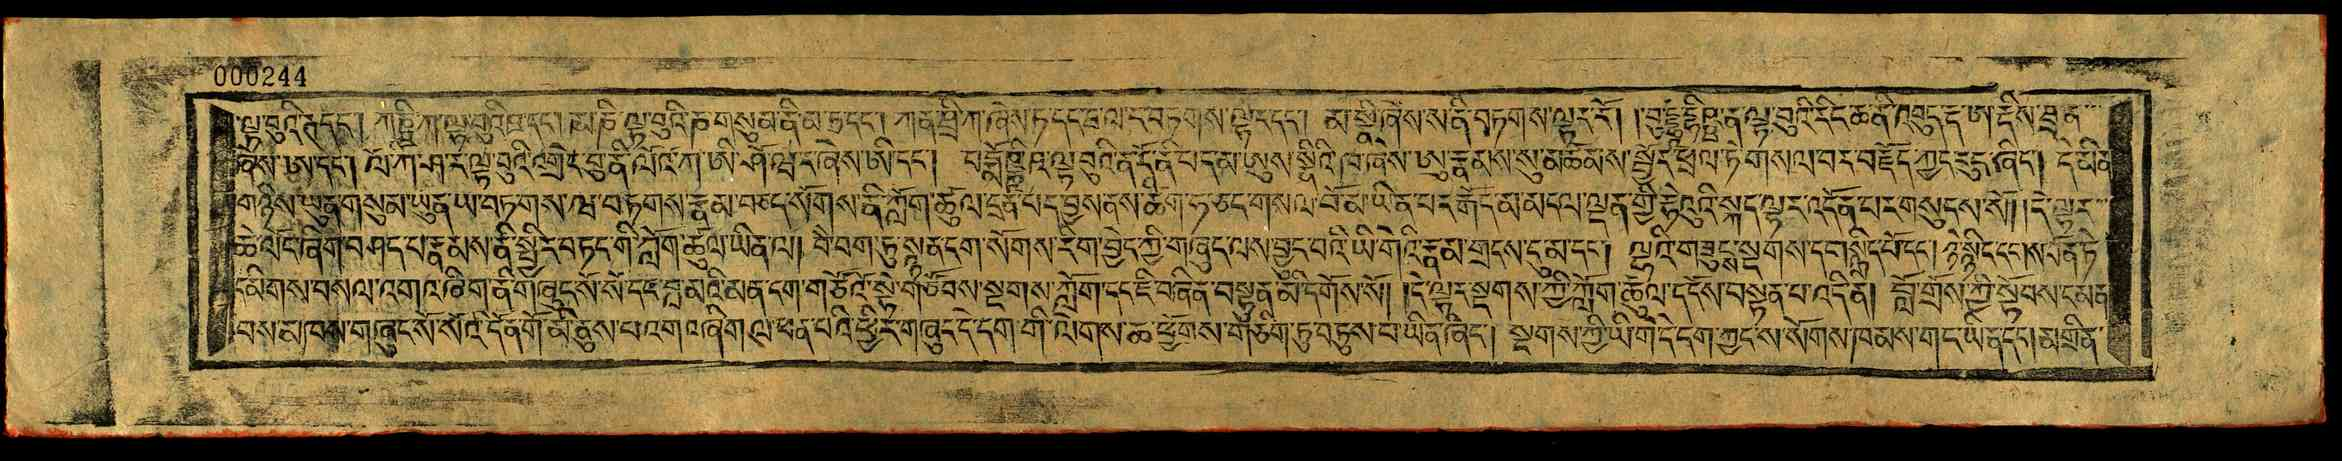ལྟ་བུའི་ཊ་དང་། ཀཎྜྲི་ཀ་ལྟ་བུའི་ཥྲ་དང་། མ་ཎི་ལྟ་བུའི་ཎ་གསུམ་ཌཱི་མ་ཏྲ་དང་། ཀན་ཐྲི་ཀ་ཞེས་ཏ་དང་ཐ་ལ་ར་བཏགས་ལྟར་དང་། མ་སྣི་ཞེས་ས་ན་བཏགས་ལྟར་རོ། །བུདྡྷ་དྷིཥྵ་ན་ལྟ་བུའི་རིང་ཆ་ནི་འབུད་རྡ་ཨ་རྡིས་ཐྲ་ན་
ཞེས་ཨ་དང་། ལོ་ཀེ་ཤ་ར་ལྟ་བུའི་འགྲེང་བུ་ནི་ལོའོ་ཀ་ཨི་ཤ་ཝ་ར་ཞེས་ཨི་དང་། པདམོཥྞི་ཥ་ལྟ་བུའི་ན་རེ་ནི་པད་མ་ཨུས་སྣིའི་ཁ་ཞེས་ཨུ་རྣམས་སུ་མཚམས་སྦྱོར་ཕལ་ཏེ་གསལ་བར་བརྗོད་ཀྱང་རུང་ཞིང་། དེ་མིན་
གཉིས་ཡུན་གསུམ་ཡུན་ཡ་བཏགས་ཝ་བཏགས་རྣམ་བཅད་སོགས་ནི་ཀློག་ཚུལ་དྲན་པར་བྱས་ནས་ཚིག་ཧ་ཅང་གསལ་པོ་མ་ཡིན་པར་རྒོད་མ་མངལ་ལྡན་གྱི་རྟེའུའི་སྐད་ལྟར་འདོན་པར་གསུངས་སོ། །དེ་ལྟར་
མེ་ལོང་ཞིག་བཤད་པ་རྣམས་ནི་སྤྱིར་བཏང་གི་ཀློག་ཚུལ་ཡིན་ལ། བེ་བག་ཏུ་སྙན་ངག་སོགས་རེག་བྱེད་ཀྱི་གཞུང་ལས་བྱུང་བའི་ཡི་གེའི་རྣམ་གྲངས་དུ་མ་དང་། ལྷའི་གཟུངས་སྔགས་དང་། སྙིང་པོ་དང་། ཉེ་སྙིང་དང་། ས་བོན་ཏེ་
དམིགས་བསལ་འགའ་ཞིག་ན་གཞུང་སོ་སོ་དང་བླ་མའི་མན་ངག་གཙོའི་སྟེ་གཙོ་བས་སྔགས་ཀློག་དང་ཇི་བཞིན་བསྟན་མི་དགོས་སོ། །དེ་ལྟར་སྔགས་ཀྱི་ཀློག་ཚུལ་དངོས་བསྟན་པ་འདི་ནི། བློ་གྲོས་ཀྱི་སྟོབས་དམ་བ་
པ་བ་མཁས་གཞུང་སོ་སོའི་དོན་གོ་མི་ནུས་པ་འགའ་ཞིག་ལ་ཕན་པའི་ཕྱིར་གཞུང་དེ་དག་གི་ལེགས་ཆ་ཕྱོགས་གཅིག་ཏུ་བཏུས་པ་ཡིད་ཞིང་། སྔགས་ཀྱི་ཡི་གེ་དེ་དག་ཀྱང་ས་སོགས་ཁམས་གང་ཡིན་དང་། མགྲིན་